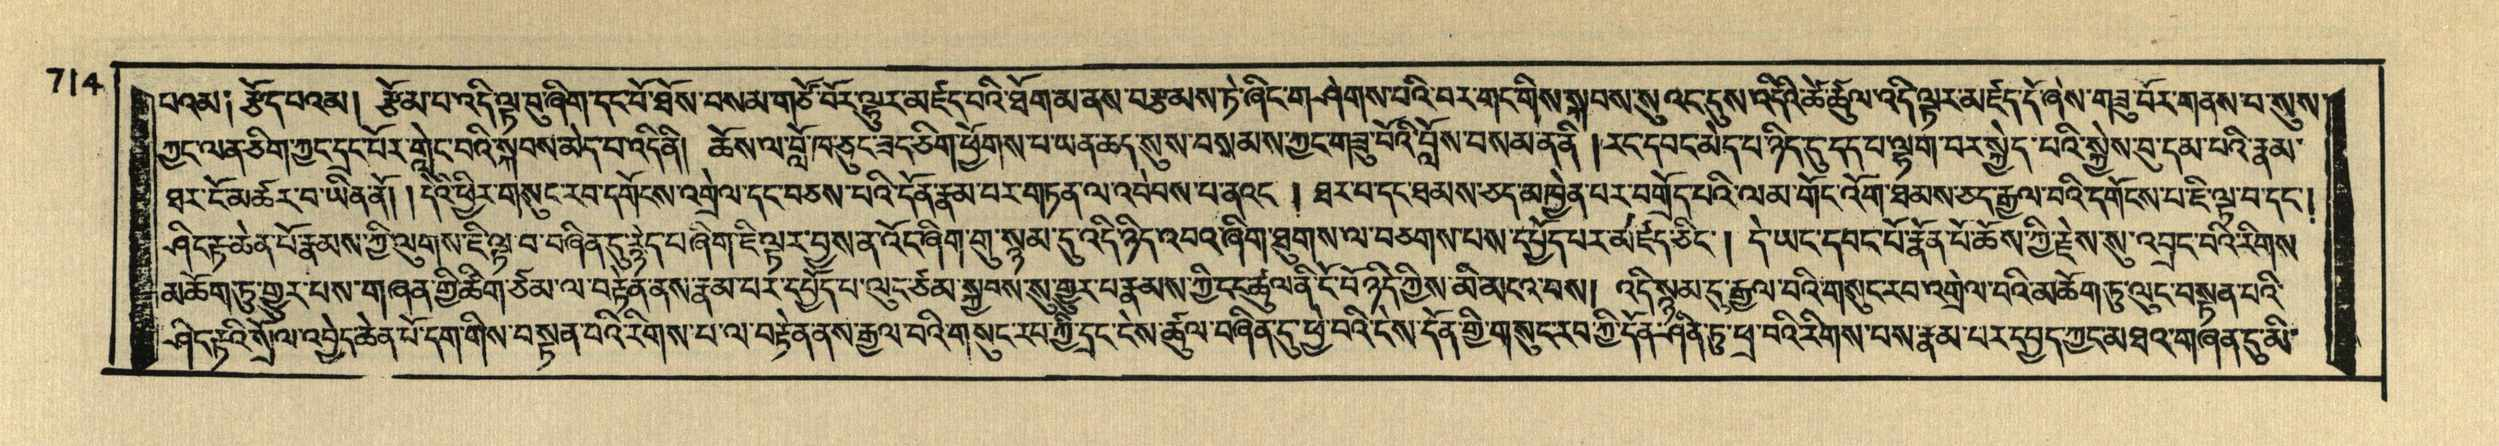བའམ༑ རྩོད་པའམ། རྩོམ་པ་འདི་ལྟ་བུ་ཞིག་དང་པོ་ཐོས་བསམ་གཙོ་བོར་ལྷུར་མཛད་པའི་ཐོག་མ་ནས་བརྩམས་ཏེ་ཞིང་གཤེགས་པའི་བར་གང་གིས་སྐབས་སུའང་དུས་འདིའི་ཚེ་ཚུལ་འདི་ལྟར་མཛད་དོ་ཞེས་གཟུ་བོར་གནས་བ་སུས་
ཀྱང་ལན་ཅིག་ཀྱང་དྲང་པོར་གླེང་བའི་སྐབས་མེད་པ་འདི་ནི། ཆོས་ལ་བློ་ཁ་ཅུང་ཟད་ཅིག་ཕྱོགས་པ་ཡན་ཆད་སུས་བསམས་ཀྱང་གཟུ་བོའི་བློས་བསམ་ན་ནི་།རང་དབང་མེད་པ་ཉིད་དུ་དད་པ་ལྷག་པར་སྐྱེས་པའི་སྐྱེས་བུ་དམ་པའི་རྣམ་
ཐར་ངོ་མཚར་བ་ཡིན་ནོ། །དེའི་ཕྱིར་གསུང་རབ་དགོངས་འགྲེལ་དང་བཅས་པའི་དོན་རྣམ་པར་གཏན་ལ་འབེབས་པ་ནའང་། ཐར་པ་དང་ཐམས་ཅད་མཁྱེན་པར་བགྲོད་པའི་ལམ་གོང་འོག་ཐམས་ཅད་རྒྱལ་བའི་དགོངས་པ་ཇི་ལྟ་བ་དང་།
ཤིང་རྟ་ཆེན་པོ་རྣམས་ཀྱི་ལུགས་ཇི་ལྟ་བ་བཞིན་དུ་རྙེད་པ་ཞིག་ཇི་ལྟར་བྱས་ན་འོང་ཞིག་གུ་སྙམ་དུ་འདི་ཉིད་འབའ་ཞིག་ཐུགས་ལ་བཅགས་པས་དཔྱོད་པར་མཛད་ཅིང་། དེ་ཡང་དབང་པོ་རྣོན་པོ་ཆོས་ཀྱི་རྗེས་སུ་འབྲང་བའི་རིགས་
མཆོག་ཏུ་གྱུར་པས་གཞན་གྱི་ཚིག་ཙམ་ལ་བརྟེན་ནས་རྣམ་པར་དཔྱོད་པ་ལུང་ཙམ་སྐྱབས་སུ་གྱུར་པ་རྣམས་ཀྱི་ངང་ཚུལ་ནི་ངོ་བོ་ཉིད་ཀྱིས་མི་མངའ་བས། འདི་སྙམ་དུ་རྒྱལ་བའི་གསུང་རབ་འགྲེལ་བའི་མཆོག་ཏུ་ལུང་བསྟན་པའི་
ཤིང་རྟའི་སྲོལ་འབྱེད་ཆེན་པོ་དག་གིས་བསྟན་པའི་རིགས་པ་ལ་བརྟེན་ནས་རྒྱལ་བའི་གསུང་རབ་ཀྱི་དྲང་ངེས་ཚུལ་བཞིན་དུ་ཕྱེ་བའི་ངེས་དོན་གྱི་གསུང་རབ་ཀྱི་དོན་ཤིན་ཏུ་ཕྲ་བའི་རིགས་པས་རྣམ་པར་དཔྱད་ཀྱང་མཐའ་གཞན་དུ་མི་